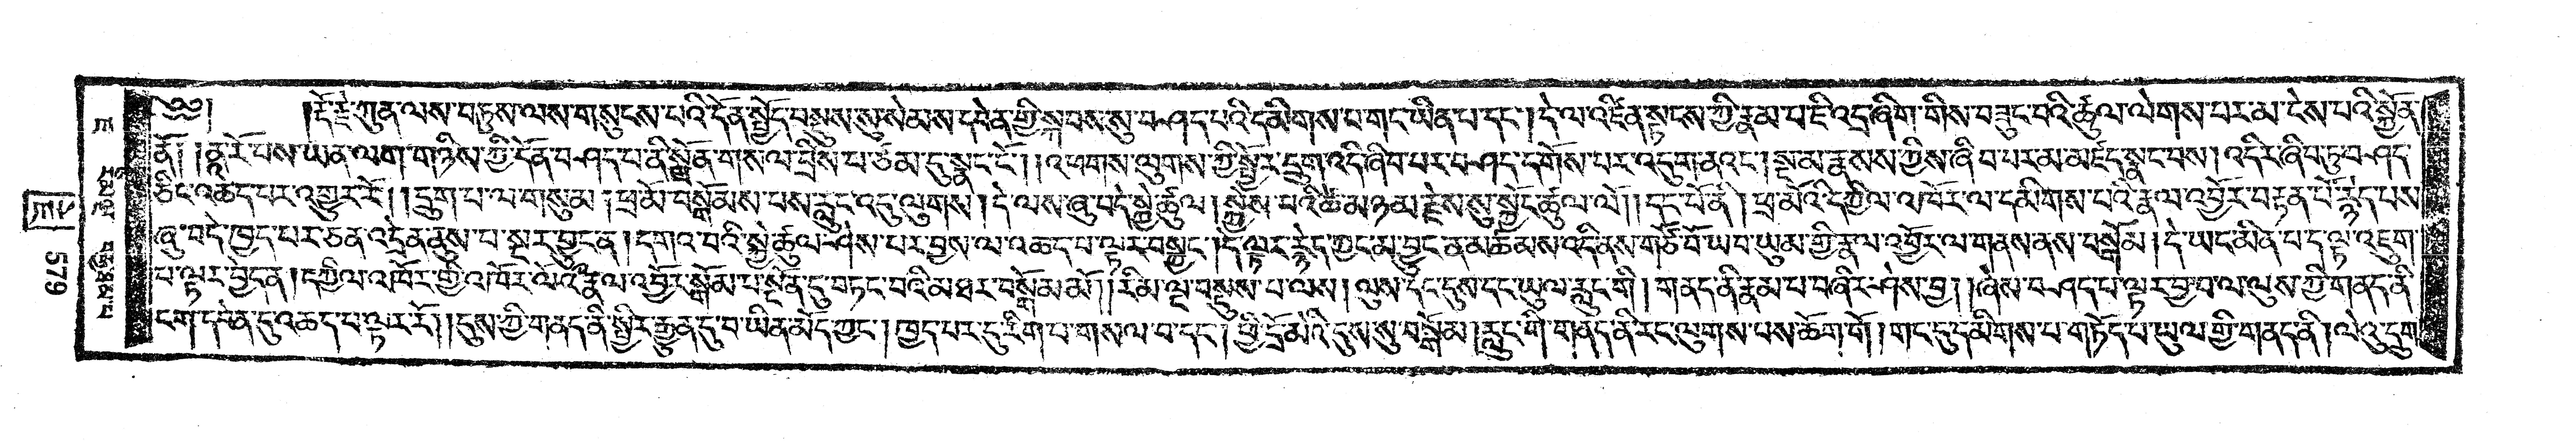༄༅། །རྡོ་རྗེ་ཀུན་ལས་བཏུས་ལས་གསུངས་པའི་དོན་སྤྱོད་བསྡུས་སུ་སེམས་དབེན་གྱི་སྐབས་སུ་བཤད་པའི་དམིགས་པ་གང་ཡིན་པ་དང་། དེ་ལ་འཛིན་སྟངས་ཀྱི་རྣམ་པ་ཇི་འདྲ་ཞིག་གིས་བཟུང་བའི་ཚུལ་ལེགས་པར་མ་ངེས་པའི་སྐྱོན་
ནོ༑ ༑ནཱ་རོ་པས་ཡན་ལག་གཉིས་ཀྱི་དོན་བཤད་པ་ནི་སྒྲོན་གསལ་བྲིས་པ་ཙམ་དུ་སྣང་ངོ། །འཕགས་ལུགས་ཀྱི་སྦྱོར་དྲུག་འདི་ཞིབ་པར་བཤད་དགོས་པར་འདུག་ནའང་། སྔ་མ་རྣམས་ཀྱིས་ཞིབ་པར་མ་མཛད་སྣང་བས། འདིར་ཞིབ་ཏུ་བཤད་
ཅིང་འཆད་པར་འགྱུར་རོ། །དྲུག་པ་ལ་གསུམ། ཕྲ་མོ་བསྒོམས་པས་རླུང་འདུ་ལུགས། དེ་ལས་ཞུ་བདེ་སྐྱེ་ཚུལ། སྐྱེས་པའི་ཚེ་མཉམ་རྗེས་སུ་སྐྱོང་ཚུལ་ལོ། །དང་པོ་ནི། ཕྲ་མོའི་དཀྱིལ་འཁོར་ལ་དམིགས་པའི་རྣལ་འབྱོར་བརྟན་པོ་རྙེད་པས་
ཞུ་བདེ་ཁྱད་པར་ཅན་འདྲེན་ནུས་པ་སྔར་བྱུང་ན། དགའ་བའི་སྐྱེ་ཚུལ་ཤེས་པར་བྱས་ལ་འཆད་པ་ལྟར་བསྐྱང་། དེ་ལྟར་རྙེད་ཀྱང་མ་བྱུང་ན་མཚམས་འདི་ནས་གཙོ་བོ་ཡབ་ཡུམ་གྱི་རྣལ་འབྱོར་ལ་གནས་ནས་བསྒོམ། དེ་ཡང་མིན་པ་ད་ལྟ་འཇུག་
པ་ལྟར་བྱེད་ན། དཀྱིལ་འཁོར་གྱི་འཁོར་ལོའི་རྣལ་འབྱོར་སྒོམ་པ་སྔོན་དུ་བཏང་བའི་མཐར་བསྒོམ་མོ། །རིམ་ལྔ་བསྡུས་པ་ལས། ལུས་དང་དུས་དང་ཡུལ་རླུང་གི །གནད་ནི་རྣམ་པ་བཞིར་ཤེས་བྱ། །ཞེས་བཤད་པ་ལྟར་བྱ་བ་ལ་ལུས་ཀྱི་གནད་ནི་
ངག་དབེན་དུ་འཆད་པ་ལྟར་རོ། །དུས་ཀྱི་གནད་ནི་སྤྱིར་རྒྱུན་དུ་བ་ཡིན་མོད་ཀྱང་། ཁྱད་པར་དུ་རིག་པ་གསལ་བ་དང་། ཕྱི་དྲོ་མེའི་དུས་སུ་བསྒོམ། རླུང་གི་གནད་ནི་རང་ལུགས་པས་ཆོག་གོ །གང་དུ་དམིགས་པ་གཏོད་པ་ཡུལ་གྱི་གནད་ནི། ལེའུ་དྲུག་